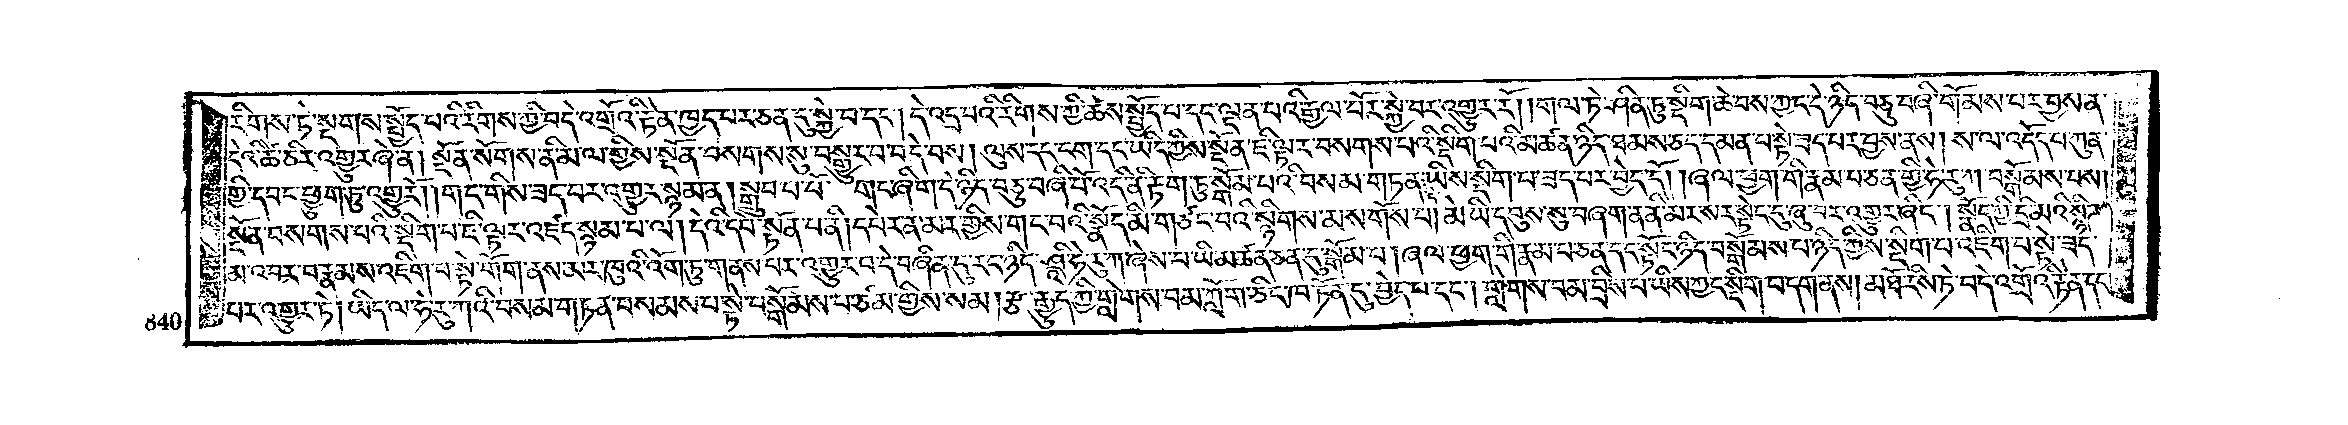རིགས་ཏེ་སྔགས་སྤྱོད་པའི་རིགས་ཀྱི་བདེ་འགྲོའི་རྟེན་ཁྱད་པར་ཅན་དུ་སྐྱེ་བ་དང་། དེ་འདྲ་བའི་རིགས་ཀྱི་ཆོས་སྤྱོད་པ་དང་ལྡན་པའི་རྒྱལ་པོར་སྐྱེ་བར་འགྱུར་རོ། །གལ་ཏེ་ཤིན་ཏུ་སྡིག་ཆེ་བས་ཀྱང་དེ་ཉིད་བཅུ་བཞི་གོམས་པར་བྱས་ན་
དེའི་ཚེ་ཅིར་འགྱུར་ཞེ་ན། སྔོན་སོགས་ནི་མལ་གྱིས་སྔོན་བསགས་སུ་བསྒྱུར་བ་བདེ་བས། ལུས་དང་ངག་དང་ཡིད་ཀྱིས་སྔོན་ཇི་ལྟར་བསགས་པའི་སྡིག་པའི་མཚན་ཉིད་ཐམས་ཅད་དམན་པ་སྟེ་ཟད་པར་བྱས་ནས། ས་ལ་འདོད་པ་ཀུན་
གྱི་དབང་ཕྱུག་ཏུ་འགྱུར་རོ། །གང་གིས་ཟད་པར་འགྱུར་སྙམ་ན། སྒྲུབ་པ་པོ་གང་ཞིག་དེ་ཉིད་བཅུ་བཞི་པོ་འདི་ནི་རྟག་ཏུ་སྒོམ་པའི་བསམ་གཏན་དེ་ཡིས་སྡིག་པ་ཟད་པར་བྱེད་དོ། །ཞལ་ཕྱག་གི་རྣམ་པ་ཅན་གྱི་ཧེ་རུ་ཀ་བསྒོམས་པས།
སྔོན་བསགས་པའི་སྡིག་པ་ཇི་ལྟར་འཛད་སྙམ་པ་ལ། དེའི་དཔེ་སྟོན་པ་ནི། དཔེར་ན་མར་གྱིས་གང་བའི་སྣོད་མི་གཙང་བའི་སྙིགས་མས་གོས་པ། མེ་ཡི་དབུས་སུ་བཞག་ན་ནི་མར་སར་སྟེང་དུ་ཞུ་བར་འགྱུར་ཞིང་། སྣོད་ཀྱི་དྲི་མའི་སྙིཌ་
མ་འབྱོར་བ་རྣམས་འཇིག་པ་སྟེ་གོག་ནས་མར་ཁུའི་འོག་ཏུ་གནས་པར་འགྱུར་བ་དེ་བཞིན་དུ་རང་ཉིད་ཤྲཱི་ཧེ་རུ་ཀ་ཞེས་པ་ཡི་མཚན་ཅན་དུ་སྒོམ་པ། ཞལ་ཕྱག་གི་རྣམ་པ་ཅན་དང་སྟོང་ཉིད་བསྒོམས་པ་ཉིད་ཀྱིས་སྡིག་པ་འཇིག་པ་སྟེ་ཟད་
པར་འགྱུར་ཏེ། ཡིད་ལ་ཧེ་རུ་ཀའི་བསམ་གཏན་བསམས་པ་སྟེ་བསྒོམས་པ་ཙམ་གྱིས་སམ། རྩ་རྒྱུད་ཀྱི་གླེགས་བམ་ཀློག་ཅིང་ཁ་ཏོན་དུ་བྱེད་པ་དང་། གླེགས་བམ་བྲིས་པ་ཡིས་ཀྱང་སྡིག་པ་དག་ནས། མཐོ་རིས་ཏེ་བདེ་འགྲོའི་རྟེན་དང་།